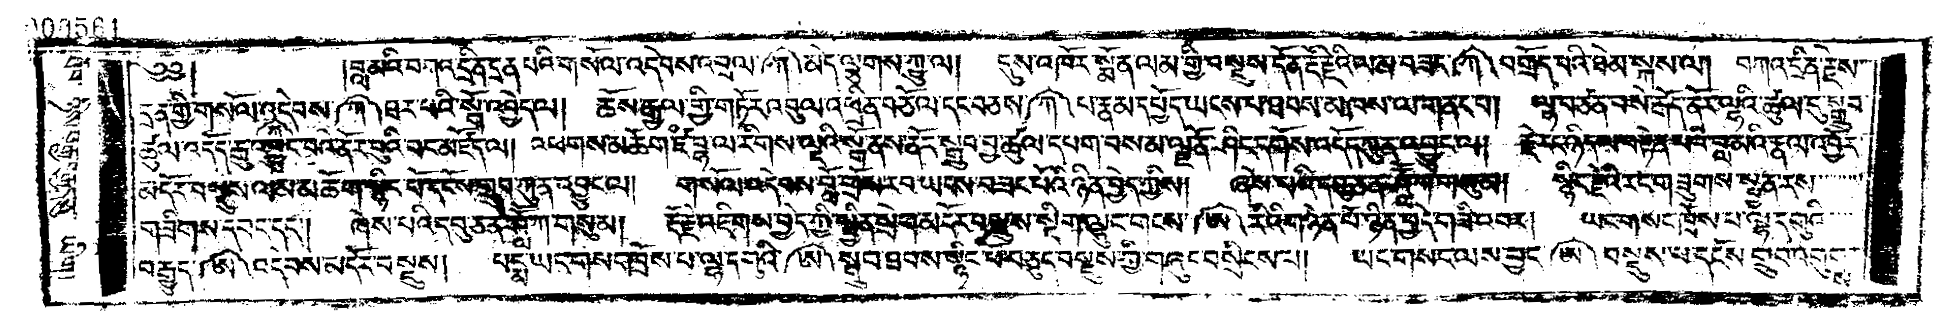༄༅། །བླ་མའི་བཀའ་དྲིན་དྲན་པའི་གསོལ་འདེབས་འབྲལ ༼ཀ༽ མེད་ལྕགས་ཀྱུ་ལ། དུས་འཁོར་སྨོན་ལམ་གྱི་བསྡུས་དོན་རྡོ་རྗེའི་ལམ་བཟང ༼ཀ༽ བགྲོད་པའི་ཐེམ་སྐས་ལ། བཀའ་དྲིན་རྗེས་
དྲན་གྱི་གསོལ་འདེབས ༼ཀ༽ ཐར་ཕའི་སྒོ་འབྱེད་ལ། ཆོས་རྒྱལ་གྱི་གཏོར་འབུལ་འཕྲིན་བཅོལ་དང་བཅས ༼ཀ༽ པ་རྣམ་དཔྱོད་ཡངས་པ་ཐབས་མཁས་ལ་གནང་བ། ལྷ་བཙན་བ་སེ་རྒོད་ནོར་ལྷའི་ཚུལ་དུ་སྒྲུབ་
ཚུལ་འདོད་རྒུ་འབྱུང་བའི་ནོར་བུའི་བང་མཛོད་ལ། འཕགས་མཆོག་ཛ་བྷ་ལ་རིགས་ལྔའི་སྒོ་ནས་ནོར་སྒྲུབ་བྱ་ཚུལ་དཔག་བསམ་ལྗོན་ཤིང་དགོས་འདོད་ཀུན་འབྱུང་ལ། རྗེ་རང་ཉིད་ལ་བརྟེན་པའི་བླ་མའི་རྣལ་འབྱོར་
མདོར་བསྡུས་ལམ་མཆོག་སྙིང་པོ་དངོས་གྲུབ་ཀུན་འབྱུང་ལ། གསོལ་འདེབས་བློ་གྲོས་རབ་ཡངས་བཟང་པོའི་ཉིན་བྱེད་ཀྱིས། ཞེས་པའི་དབུ་ཅན་ཤླཽ་ཀ་གསུམ། སྙིང་རྗེའི་རང་གཟུགས་སྤྱན་རས་
གཟིགས་དབང་དང་། ཞེས་པའི་དབུ་ཅན་ཤླཽ་ཀ་གསུམ། རྡོ་རྗེ་འཇིགས་བྱེད་ཀྱི་སྦྱིན་སྲེག་མདོར་བསྡུས་སྡིག་ལྟུང་གངས ༼ཨ༽ རིའི་གཉེན་པོ་ཉིན་བྱེད་གཟི་འབར། ཡང་གསང་ཁྲོས་པ་ལྷ་དགུའི་
བརྒྱུད ༼ཨ༽ འདེབས་མདོར་བསྡུས། པདམ་ཡང་གསང་ཁྲོས་པ་ལྷ་དགུའི ༼ཨ༽ སྒྲུབ་ཐབས་སྙིང་པོ་བཅུད་བསྡུས་ཀྱི་གཞུང་བསྲིངས་པ། ཡང་གསང་ལས་བྱང ༼ཨ༽ བསྡུས་པ་དངོས་གྲུབ་འགུགས་